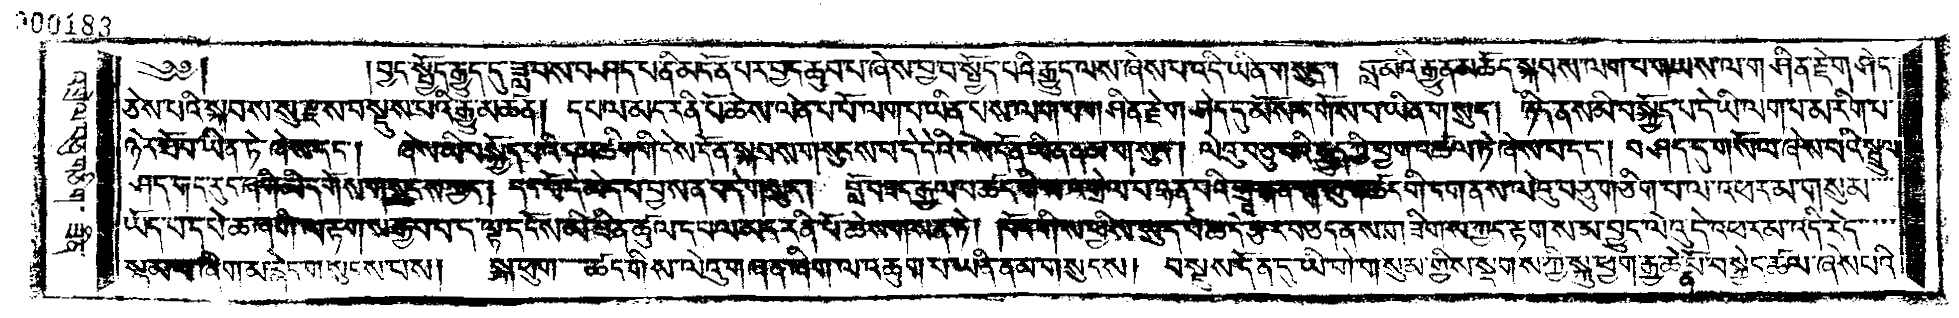༄༅། །བྱང་སྤྱོད་རྒྱུད་དུ་ཟླ་བས་བཤད་པ་ནི་མངོན་པར་བྱང་ཆུབ་པ་ཞེས་བྱ་བ་སྤྱོད་པའི་རྒྱུད་ལས་ཞེས་པ་འདི་ཡིན་གསུང་། བླ་མའི་རྒྱུན་མཆོད་སྐབས་ལག་པ་གཡས་ལ་གཤིན་རྗེ་གཤེད་
ཅེས་པའི་སྐབས་སུ་རྫས་བསྡུས་པའི་རྒྱུ་མཚན། དཔལ་མང་རིན་པོ་ཆེས་ལེན་པ་པོ་ལག་པ་ཡིན་པས་ལག་པ་གཤིན་རྗེ་གཤེད་དུ་མོས་དགོས་པ་ཡིན་གསུང་། ཉིད་ནས་མི་བསྐྱོད་པ་དེ་ཡི་ལག་པ་མ་རིག་པ་
ཉེར་ཐོབ་ཡིན་ཏེ་ཞེས་དང་། ཞེས་མི་བསྐྱོད་པའི་དམ་ཚིག་གི་ངེས་དོན་སྐབས་གསུངས་པ་དེ་དེའི་ངེས་དོན་ཡིན་ནམ་གསུང་། ལེའུ་བཅུ་པའི་རྒྱུད་ཀྱི་ཕྱག་འཚལ་ཏེ་ཞེས་པ་དང་། བཤད་དུ་གསོལ་ཞེས་པའི་སྤྲུལ་
ཤད་གང་རུང་ཞིག་མི་དགོས་གསུངས་ཀྱང་། དང་པོ་དེ་མེད་པ་བྱས་ན་བདེ་གསུང་། བློ་བཟང་རྒྱལ་བ་ཚང་གིས་འགྲེལ་པ་ཉན་པའི་གྲྭ་རྒན་སྒ་ཕུག་ཚང་གི་ངག་ནས་ལེའུ་བཅུ་གཅིག་པ་ལ་འཕར་མ་གསུམ་
ཡོད་པ་དཔེ་ཆ་ཞིག་ལ་རྟགས་རྒྱབ་པ་ད་ལྟ་དངོས་མི་ཟིན་ཚུལ་དཔལ་མང་རིན་པོ་ཆེས་གསན་ཏེ། ཁོང་གིས་ཕྱིས་སུ་དཔེ་ཆ་དེ་རྩར་བཅད་ནས་གཟིགས་ཀྱང་རྟགས་མ་བྱུང་ལེའུ་དེ་འཕར་མ་འདི་རེད་
སྙམ་པ་ཞིག་མ་རྙེད་གསུངས་པས། སྐ་ཕུག་ཚང་གིས་ལེའུ་གཞན་ཞིག་ལ་འཆུག་པ་ཡིན་ནམ་གསུངས། བསྡུས་དོན་དུ་ཡི་གེ་གསུམ་གྱིས་སྔགས་ཀྱི་སྐུ་ཕྱག་རྒྱ་ཆེན་པོ་བསྐྱེད་ཚལ་ཞེས་པའི་